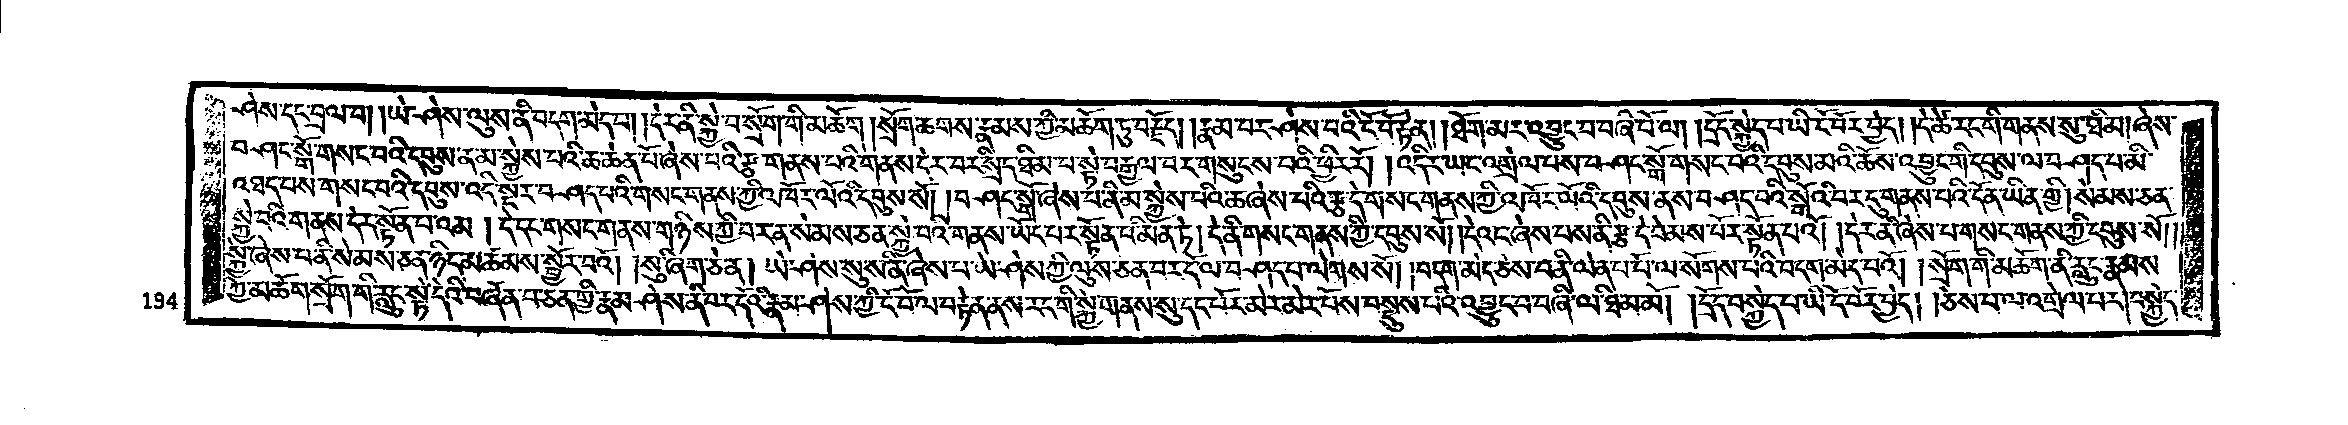ཤེས་དང་བྲལ་བ། །ཡེ་ཤེས་ལུས་ནི་བདག་མེད་པ། །དེར་ནི་སྐྱེ་བ་སྲོག་གི་མཆོག །སྲོག་ཆགས་རྣམས་ཀྱི་མཆོག་ཏུ་བརྗོད། །རྣམ་པར་ཤེས་པའི་ངོ་བོ་རྟེན། །ཐོག་མར་འབྱུང་བ་བཞི་པོ་ལ། །དྲོད་སྐྱེད་པ་ཡི་ངོ་བོར་བྱེད། །དེ་ཚེ་རང་གི་གནས་སུ་ཐིམ། ཞེས་
བཤད་སྒོ་གསང་བའི་དབུས་ན་མ་སྐྱེས་པའི་ཆ་ཆེན་པོ་ཞེས་པའི་རྩ་གནས་པའི་གནས་དེར་བར་སྲིད་ཐིམ་པ་སྟེ་བརྒྱལ་བར་གསུངས་པའི་ཕྱིར་རོ། །འདིར་ཡང་འགྲེལ་པས་བཤད་སྒོ་གསང་བའི་དབུས་མའི་ཆོས་འབྱུང་གི་དབུས་ལ་བཤད་པ་མི་
འཐད་པས་གསང་བའི་དབུས་འདི་སྔར་བཤད་པའི་གསང་གནས་ཀྱི་འཁོར་ལོའི་དབུས་སོ། །བཤད་སྒོ་ཞེས་པ་ནི་མ་སྐྱེས་པའི་ཆ་ཞེས་པའི་རྩ་དེ་གསང་གནས་ཀྱི་འཁོར་ལོའི་དབུས་ནས་བཤད་པའི་སྒོའི་བར་དུ་གནས་པའི་དོན་ཡིན་གྱི། སེམས་ཅན་
སྐྱེ་བའི་གནས་དེར་སྟོན་པ་འམ། དེ་དང་གསང་གནས་གཉིས་ཀྱི་བར་ན་སེམས་ཅན་སྐྱེ་བའི་གནས་ཡོད་པར་སྟོན་པ་མིན་ཏེ། དེ་ནི་གསང་གནས་ཀྱི་དབུས་སོ། །དེའང་ཞེས་པས་ནི་རྩ་དེ་བེམས་པོར་སྟོན་པའོ། །དེར་ནི་ཞེས་པ་གསང་གནས་ཀྱི་དབུས་སོ། །
སྐྱེ་ཞེས་པ་ནི་སེམས་ཅན་ཉིད་མཚམས་སྦྱོར་བའོ། །སུ་ཞིག་ཅེ་ན། ཡེ་ཤེས་སུ་ས་ནི་ཞེས་པ་ཡེ་ཤེས་ཀྱི་ལུས་ཅན་བར་དོ་ལ་བཤད་པ་ལེགས་སོ། །བདག་མེད་ཅེས་པ་ནི་ལེན་པ་པོ་ལ་སོགས་པའི་བདག་མེད་པའོ། །སྲོག་གི་མཆོག་ནི་རླུང་རྣམས་
ཀྱི་མཆོག་སྲོག་གི་རླུང་སྟེ་དེའི་བཞོན་པ་ཅན་གྱི་རྣམ་ཤེས་ནི་བར་དོའི་རྣམ་ཤེས་ཀྱི་ངོ་བོ་ལ་བརྟེན་ནས་རང་གི་སྐྱེ་གནས་སུ་དང་པོར་མེར་མེར་པོས་བསྡུས་པའི་འབྱུང་བ་བཞི་ལ་ཐིམ་མོ། །དྲོད་བསྐྱེད་པ་ཡི་ངོ་བོར་བྱེད། །ཅེས་པ་ལ་འགྲེལ་པར། བསྐྱེད་